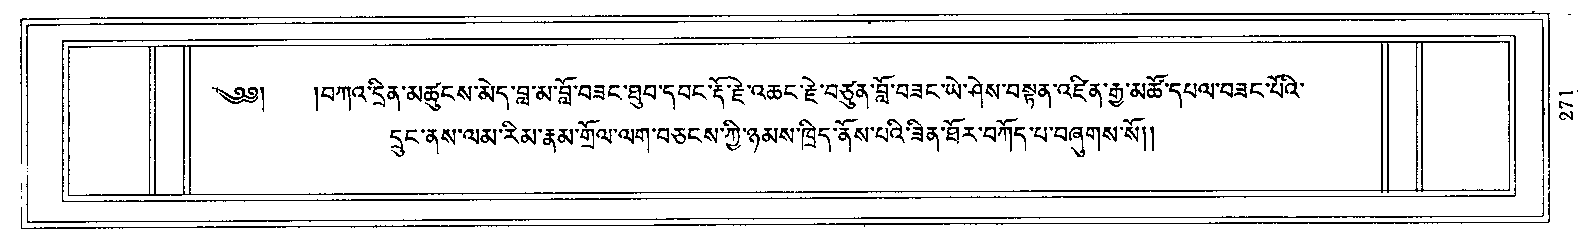༄༅། །བཀའ་དྲིན་མཚུངས་མེད་བླ་མ་བློ་བཟང་ཐུབ་དབང་རྡོ་རྗེ་འཆང་རྗེ་བཙུན་བློ་བཟང་ཡེ་ཤེས་བསྟན་འཛིན་རྒྱ་མཚོ་དཔལ་བཟང་པོའི་
དྲུང་ནས་ལམ་རིམ་རྣམ་གྲོལ་ལག་བཅངས་ཀྱི་ཉམས་ཁྲིད་ནོས་པའི་ཟིན་ཐོར་བཀོད་པ་བཞུགས་སོ།།